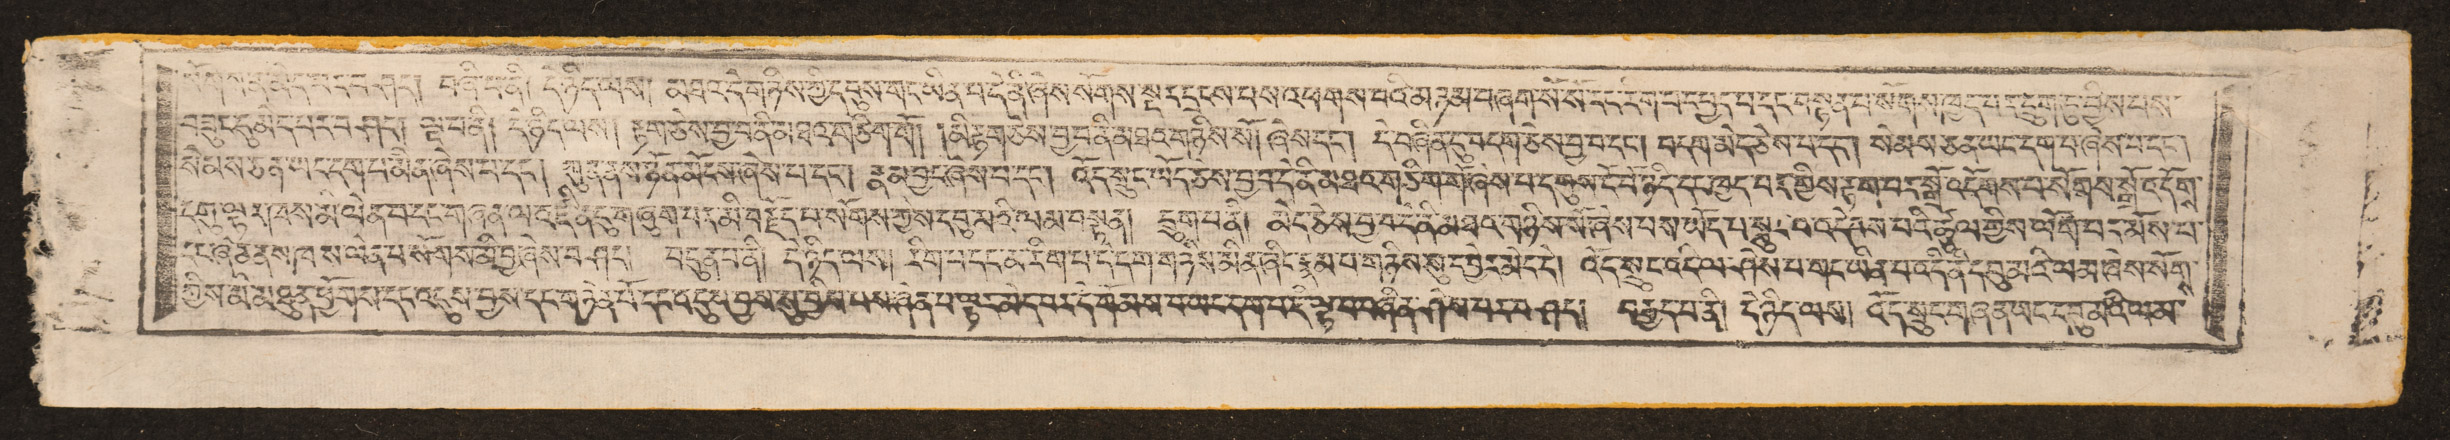སོགས་ན་མེད་པར་བཤད། བཞི་པ་ནི། དེ་ཉིད་ལས། མཐའ་དེ་གཉིས་ཀྱི་དབུས་གང་ཡིན་བདེ་ནི་ཞེས་སོགས་སྔར་དྲངས་པས་འཕགས་པའི་མཉམ་བཞག་སོ་སོ་རང་རིག་པ་དབྱད་པ་དང་བསྟན་པ་སོགས་ཁྱད་པར་དྲུག་ཏུ་བྱིས་པས་
བཟུང་དུ་མེད་པར་བཤད། ལྔ་པ་ནི། དེ་ཉིད་ལས། རྟག་ཅེས་བྱ་བ་ནི་མཐའ་གཅིག་གོ། །མི་རྟག་ཅེས་བྱ་བ་ནི་མཐའ་གཉིས་སོ། ཞེས་དང་། དེ་བཞིན་དུ་བདག་ཅེས་བྱ་བ་དང་། བདག་མེད་ཅེས་པ་དང་། སེམས་ཅན་ཡང་དག་བ་ཞེས་པ་དང་།
སེམས་ཅན་ཡང་དག་པ་མིན་ཞེས་པ་དང་། ཀུན་ནས་ཉོན་མོངས་ཞེས་པ་དང་། རྣམ་བྱང་ཞེས་པ་དང་། འོད་སྲུང་ཡོད་ཅེས་བྱ་བ་དེ་ནི་མཐའ་གཅིག་གོ་ཞེས་པ་དགུས་ངོ་བོ་ཉིད་དང་ཁྱད་པར་གྱིས་རྟག་པར་སྒྲོ་འདོགས་པ་སོགས་སྒྲོ་འདོགས་
དགུ་ལྟར་ཁས་མི་ལེན་པ་དང་གཞན་ལ་འཛིན་དུ་གཞུག་པར་མི་བརྗོད་པ་སོགས་ཀྱེས་དབུ་མའི་ལམ་བསྟན། དྲུག་པ་ནི། མེད་ཅེས་བྱ་བ་དེ་ནི་མཐའ་གཉིས་སོ་ཞེས་པས་ཡོད་པ་སྐུར་བ་འདེབས་པའི་ཚུལ་གྱིས་ལོག་བར་མོས་པ་
དང་ཞེན་ནས་ཁས་ལེན་པ་སོགས་མི་བྱ་ཞེས་བཤད། བདུན་པ་ནི། དེ་ཉིད་ལས། རིག་པ་དང་མ་རིག་པ་དེ་དག་གཉིས་མིན་ཞིང་རྣམ་པ་གཉིས་སུ་དབྱེར་མེད་དེ། འོད་སྲུང་འདི་ལ་ཤེས་པ་གང་ཡིན་པ་འདི་ནི་དབུ་མའི་ལམ་ཞེས་སོགས་
ཀྱིས་མི་མཐུན་ཕྱོགས་དང་འདུས་བྱས་དང་གཉེན་པོ་དང་འདུས་བྱས་སུ་བྱིས་པས་ཞེན་པ་ལྟར་མེད་པར་དེ་གོམས་པ་ཡང་དག་པ་ཇི་ལྟ་བ་བཞིན་ཤེས་པར་བཤད། བརྒྱད་པ་ནི། དེ་ཉིད་ལས། འོད་སྲུང་གཞན་ཡང་དབུ་མའི་ལམ་